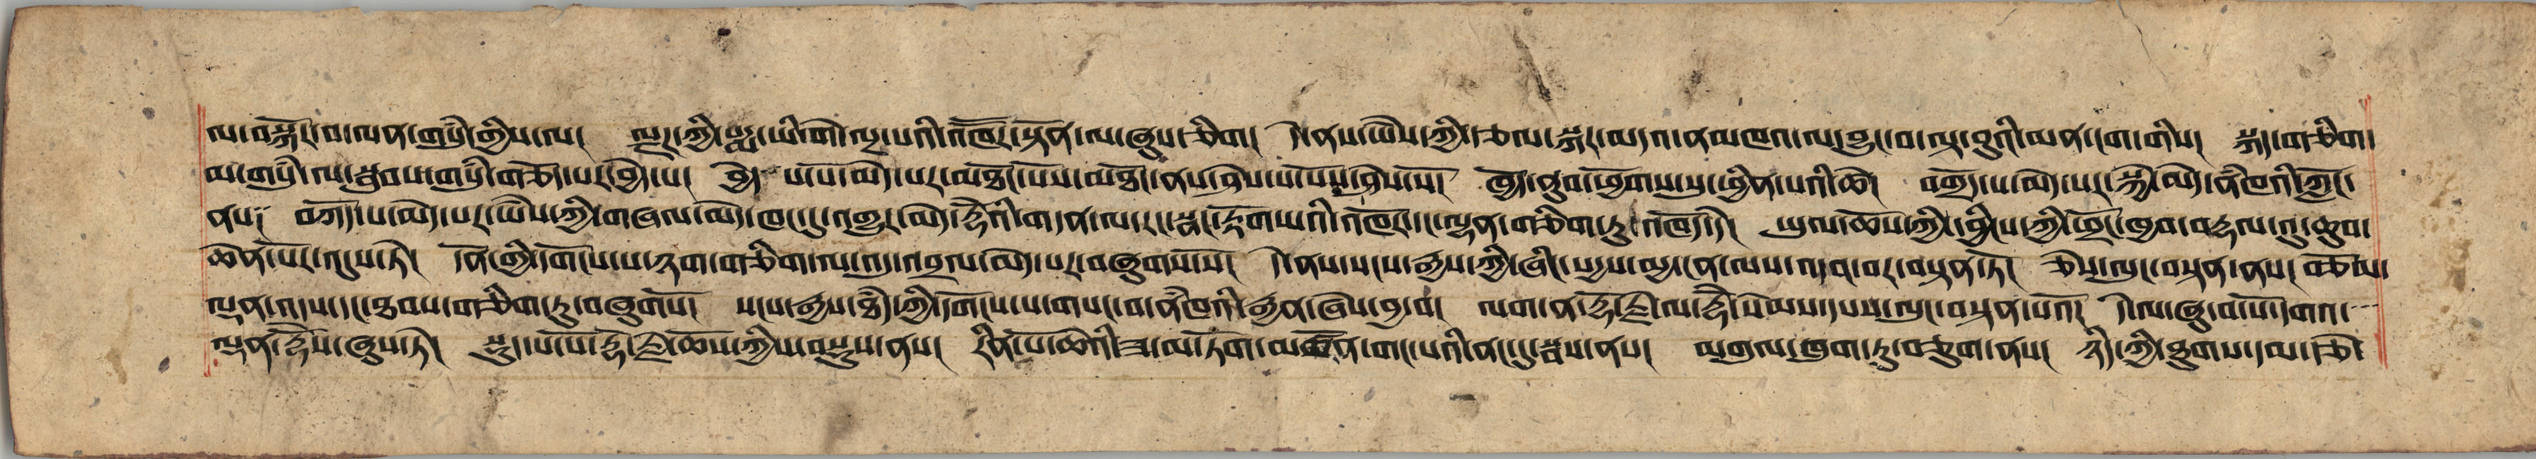ལ་བསྐོར་བ་ལན་གསུཾ་གྱིས་ལ། ལྗཌ་ཀྱི་པདྨ་ཡི་གེ་ལྔ་པའི་འཁཽར་སྟོན་ལ་ཞུས་ཅིག། དེ་ནས་ཡཻས་ཀྱིརྩལ་སྐར་མདའ་ནམཁའ་ལ་བྱུང་བ་ལྟ་བུའི་མན་ངག་གིས། སྐད་གཅིག་
མ་གསུཾ་ལ་སྦུབས་གསུཾ་གཅོད་པར་བྱེད་པ། བྱེད་པ་པོ་མེད་པར་མཐོང་པོས་མཐོང་ནས་ཤེས་པ་པོས་ཤེས་སོ། ཁྱོད་ནུབ་ཕྱོགས་སུ་ཕྱིན་པའི་ཚེ། བགྲོད་པ་མེད་པར་སྐྱེ་མེད་ནཾཁའི་ཀློང་
ནས༑ བཀོད་པ་མེད་པར་ཡཻས་ཀྱི་གཞལ་མེད་ཁང་དུ་འགྱུར་མེད་རྡོེའི་གདན་ལ་རང་སྣང་རྟོག་པའི་འཁོར་དང་ལྷན་གཅིག་ཏུ་འཁོད་དེ། ཡུལ་ཆོས་ཀྱི་དབྱིངས་ཀྱི་ཕྲོང་ཁྱབ་བརྡལ་འུ་ཆུབ་
ཆེན་པོར་འདུས་ཏེ་། དོན་གྱི་དགོངས་པ་ཉག་གཅིག་ལ་འདུ་བྲལ་མེད་པར་བཞུགས་སོ། དེ་ནས་སངས་རྒྱས་ཀྱི་ཞིང་སདྱས་མྱ་ངན་ལས་འདའ་བར་བསྟན་ཏེ་། ཅེས་ལུང་བསྟན་ནས། བཅོམ་
ལྡན་འདས་དང་ཐབས་གཅིག་ཏུ་བཞུགསོ་། སངས་རྒྱས་ཐཾད་ཀྱི་དགོངས་པ་གསང་བ་ནཾཁའི་རྒྱན་ཞེས་བྱ་བ། ལག་ན་རྡོ་རྗེ་ལ་རྡོེ་སེམས་དཔས་ལུང་བསྟན་པའོ་། དེ་ལ་ཞུ་བ་པོ་དགའ་
ལྡན་རྡོེས་ཞུས་ཏེ། སྡུད་པ་པོ་རྡོ་རྗེ་ཆོས་ཀྱིས་བསྡུས་ནས། རིན་པོ་ཆེའི་ཟ་མ་ཏོག་མཚོན་གང་པའི་ནང་དུ་སྦས་ནས། མགུལ་ཁུག་ཏུ་བཅུག་ནས། ཉིད་ཀྱི་ཐུགས་དམ་རྩེ་